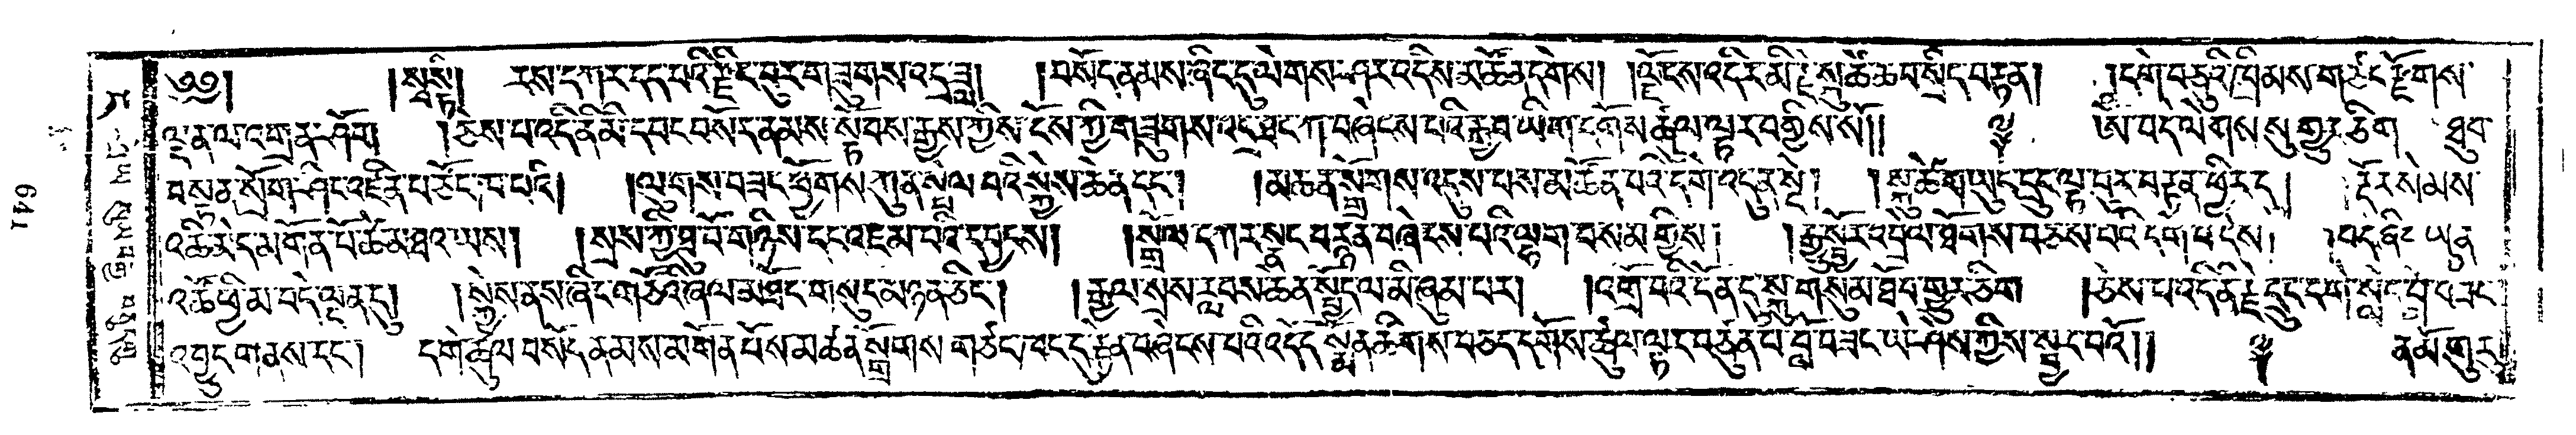༄༅། །སྭསྟི། རས་དཀར་དད་པའི་རྫིང་བུར་གཟུགས་འདྲ་ཟླ། །བསོད་ནམས་ཞིང་དུ་ལེགས་ཤར་འདིས་མཚོན་དགེས། །ལྗོངས་འདིར་མི་རྗེ་སྐུ་ཚེ་ཆབ་སྲིད་བརྟན། །དགེ་བཅུའི་ཁྲིམས་གཙང་རྫོགས་
ལྡན་ལ་འགྲན་ཤོག །ཅེས་པ་འདི་ནི་མི་དབང་བསོད་ནམས་སྟོབས་རྒྱས་ཀྱིས་ངོས་ཀྱི་གཟུགས་འདྲ་ཐང་ཀ་བཞེངས་པའི་རྒྱབ་ཡིག་དགོས་ཚུལ་ལྟར་བགྱིས་སོ།། ༈ ཨོཾ་བདེ་ལེགས་སུ་གྱུར་ཅིག །ཐུབ་
བསྟན་སྲོག་ཤིང་འཛིན་པ་ཙོང་ཁ་པའི། །ལུགས་བཟང་ཕྱོགས་ཀུན་སྤེལ་བའི་སྐྱེས་ཆེན་དང་། །མཆན་སྒྲོགས་འདུས་པས་མཚོན་པའི་དགེ་འདུན་སྡེ། །སྐུ་ཚེ་གཡུང་དྲུང་ལྟ་བུར་བརྟན་ཕྱིར་དུ། །རྡོར་སེམས་
འཆི་མེད་མགོན་པོ་ཚེ་མཐའ་ཡས། །སྲས་ཀྱི་ཐུ་བོ་གཉིས་དང་འཇམ་པའི་དབྱངས། །སྒྲོལ་དཀར་སྣང་བརྙན་བཞེངས་པའི་ལྷག་བསམ་གྱིས། །རྒྱུ་སྦྱོར་འབྲེལ་ཐོགས་བཅས་པའི་དགེ་བ་དེས། །བདེ་ཞིང་ཡུན་
འཚོ་ཕྱི་མ་བདེ་ལྡན་དུ། །སྐྱེས་ནས་ཞིང་གཙོའི་ཞལ་མཐོང་གསུང་མཉན་ཅིང་། །རྒྱལ་སྲས་རླབས་ཆེན་སྤྱོད་ལ་མི་ཞུམ་པར། །འགྲོ་བའི་དོན་དུ་སྐུ་གསུམ་ཐོབ་གྱུར་ཅིག །ཅེས་པ་འདི་ནི་རྗེ་དྲུང་དགེ་སྨེད་གེ་བཟང་
འབྱུང་གནས་དང་། དགེ་ཚུལ་བསོད་ནམས་མགོན་པོས་མཚན་སྒྲོགས་གཙང་ཁང་དུ་རྟེན་བཞེངས་པའི་འདོད་སྨོན་ཚིགས་བཅད་དགོས་ཚུལ་ལྟར་བཙུན་པ་བློ་བཟང་ཡེ་ཤེས་ཀྱིས་སྦྱར་བའོ།། ༈ ན་མོ་གུ་རུ་